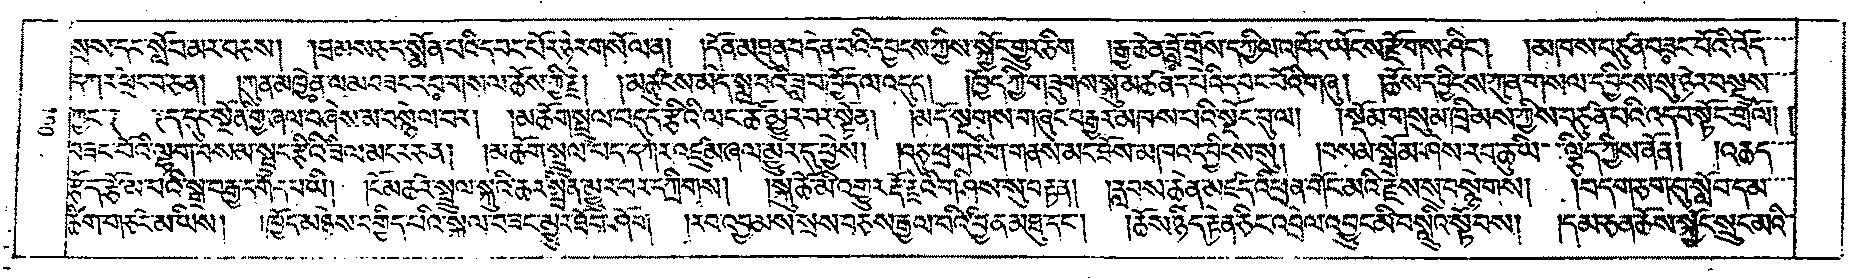སྲས་དང་སློབ་མར་བཅས། །ཐམས་ཅད་སྨོན་པའི་དབང་པོར་ཉེར་གསོལ་ན། །དོན་མཐུན་བདེན་པའི་དབྱངས་ཀྱིས་སྐྱོང་གྱུར་ཅིག །རྒྱ་ཆེན་བློ྾་གྲོས་དཀྱིལ་འཁོར་ཡོངས་རྫོགས་ཤིང་། །མཁས་བཙུན་བཟང྾་པོའི་འོད་
དཀར་ཕྲེང་བ་ཅན། །ཀུན་མཁྱེན྾་ལམ་བཟང་རབ྾་གསལ་ཆོས་ཀྱི་རྗེ། །མཚུངས་མེད་སྨྲ་བའི་ཟླ་བ་ཁྱོད་ལ་འདུད། །ཁྱོད་ཀྱི་གཟུགས་སྐུ་མཚན་དཔེའི་དབང་པོའི་གཞུ། །ཆོས་དབྱིངས་ཀུན་གསལ་དབྱིངས་སུ་ཉེར་བསྡུས་
ཀྱང་། །ད་དུང་སྔོན་གྱི་ཞལ་བཞེས་མ་བསྙེལ་བར། །མཆོག་སྤྲུལ་བདུད་རྩིའི་ལང་ཚོ་མྱུར་བར་སྟོན། །མདོ་སྔགས་གཞུང་བརྒྱར་མཁས་པའི་སྡོང་བུ་ལ། །སྡོམ་གསུམ་ཁྲིམས་ཀྱིས་བཙུན་པའི་འདབ་སྟོང་གྲོལ། །
བཟང་པོའི་ལྷག་བསམ་སྦྲང་རྩིའི་ཟིལ་མངར་ཅན། །མཆོག་སྤྲུལ་པད་དཀར་འཛུམ་ཞལ་མྱུར་དུ་ཕྱེས། །བཅུ་ཕྲག་རིག་གནས་མང་ཐོས་མཁའ་དབྱིངས་སུ། །བསམ་སྒོམ་ཤེས་རབ་ཆུ་ཡི་ལྕིད་ཀྱིས་ནོན། །འཆད་
རྩོད་རྩོམ་པའི་སྒྲ་བརྒྱ་དགོད་པ་ཡི། །ངོ་མཚར་སྤྲུལ་སྐུའི་ཆར་སྤྲིན་མྱུར་བར་དཀྲིགས། །སྐུ་ཚེ་མི་འགྱུར་རྡོ་རྗེའི་གཤིས་སུ་བརྟན། །རླབས་ཆེན་མཛད་འཕྲིན་གོང་མའི་རྗེས་སུ་བསྙེགས། །བདག་ཅག་པུ་སློབ་དམ་
ཚིག་གཙང་མ་ཡིས། །ཁྱོད་མཉེས་བགྱིད་པའི་སྐལ་བཟང་མྱུར་ཐོབ་ཤོག །རབ་འབྱམས་སྲས་བཅས་རྒྱལ་བའི་བྱིན་མཐུ་དང་། །ཆོས་ཉིད་རྟེན་ཅིང་འབྲེལ་འབྱུང་མི་བསླུའི་སྟོབས། །དམ་ཅན་ཆོས་སྐྱོང་སྲུང་མའི་